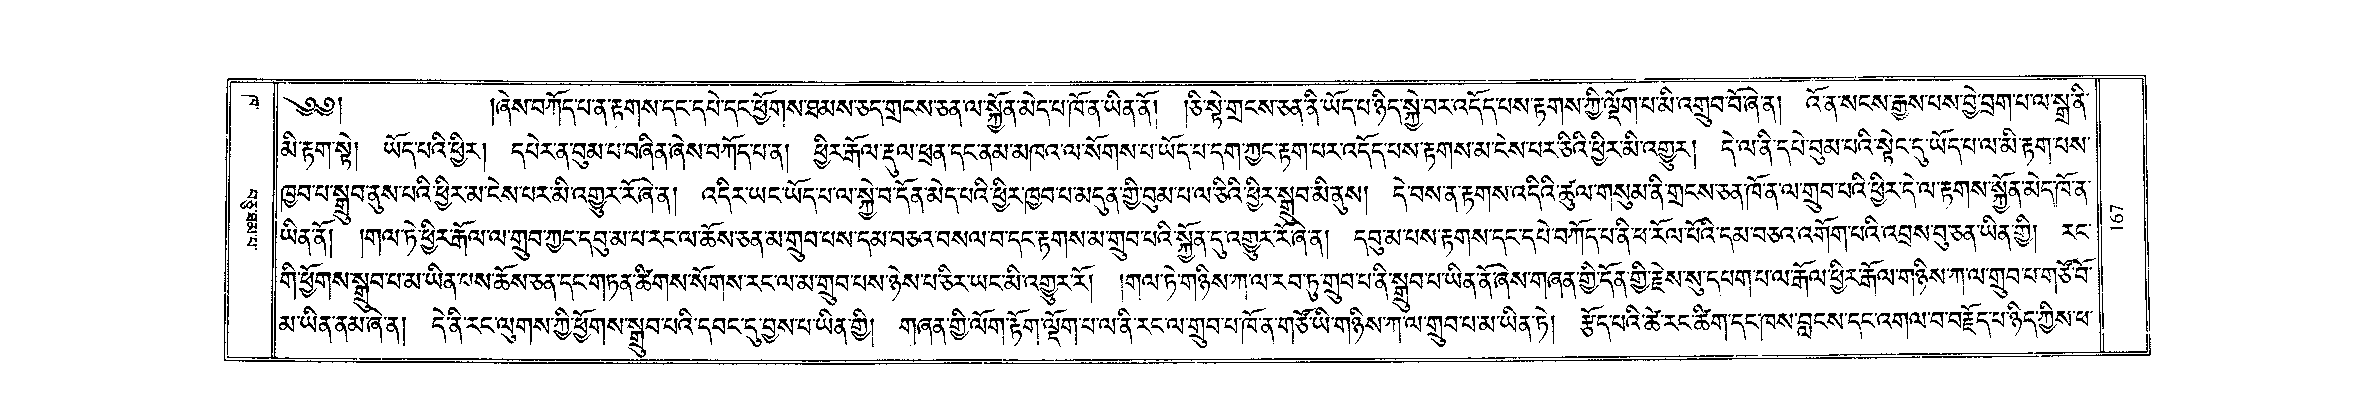༄༅། །ཞེས་བཀོད་པ་ན་རྟགས་དང་དཔེ་དང་ཕྱོགས་ཐམས་ཅད་གྲངས་ཅན་ལ་སྐྱོན་མེད་པ་ཁོ་ན་ཡིན་ནོ། །ཅི་སྟེ་གྲངས་ཅན་ནི་ཡོད་པ་ཉིད་སྐྱེ་བར་འདོད་པས་རྟགས་ཀྱི་ལྡོག་པ་མི་འགྲུབ་བོ་ཞེ་ན། འོ་ན་སངས་རྒྱས་པས་བྱེ་བྲག་པ་ལ་སྒྲ་ནི་
མི་རྟག་སྟེ། ཡོད་པའི་ཕྱིར། དཔེར་ན་བུམ་པ་བཞིན་ཞེས་བཀོད་པ་ན། ཕྱིར་རྒོལ་རྡུལ་ཕྲན་དང་ནམ་མཁའ་ལ་སོགས་པ་ཡོད་པ་དག་ཀྱང་རྟག་པར་འདོད་པས་རྟགས་མ་ངེས་པར་ཅིའི་ཕྱིར་མི་འགྱུར། དེ་ལ་ནི་དཔེ་བུམ་པའི་སྟེང་དུ་ཡོད་པ་ལ་མི་རྟག་པས་
ཁྱབ་པ་སྒྲུབ་ནུས་པའི་ཕྱིར་མ་ངེས་པར་མི་འགྱུར་རོ་ཞེ་ན། འདིར་ཡང་ཡོད་པ་ལ་སྐྱེ་བ་དོན་མེད་པའི་ཕྱིར་ཁྱབ་པ་མདུན་གྱི་བུམ་པ་ལ་ཅིའི་ཕྱིར་སྒྲུབ་མི་ནུས། དེ་བས་ན་རྟགས་འདིའི་ཚུལ་གསུམ་ནི་གྲངས་ཅན་ཁོ་ན་ལ་གྲུབ་པའི་ཕྱིར་དེ་ལ་རྟགས་སྐྱོན་མེད་ཁོ་ན་
ཡིན་ནོ། །གལ་ཏེ་ཕྱིར་རྒོལ་ལ་གྲུབ་ཀྱང་དབུ་མ་པ་རང་ལ་ཆོས་ཅན་མ་གྲུབ་པས་དམ་བཅའ་བསལ་བ་དང་རྟགས་མ་གྲུབ་པའི་སྐྱོན་དུ་འགྱུར་རོ་ཞེ་ན། དབུ་མ་པས་རྟགས་དང་དཔེ་བཀོད་པ་ནི་ཕ་རོལ་པོའི་དམ་བཅའ་འགོག་པའི་འབྲས་བུ་ཅན་ཡིན་གྱི། རང་
གི་ཕྱོགས་སྒྲུབ་པ་མ་ཡིན་པས་ཆོས་ཅན་དང་གཏན་ཚིགས་སོགས་རང་ལ་མ་གྲུབ་པས་ཉེས་པ་ཅིར་ཡང་མི་འགྱུར་རོ། །གལ་ཏེ་གཉིས་ཀ་ལ་རབ་ཏུ་གྲུབ་པ་ནི་སྒྲུབ་པ་ཡིན་ནོ་ཞེས་གཞན་གྱི་དོན་གྱི་རྗེས་སུ་དཔག་པ་ལ་རྒོལ་ཕྱིར་རྒོལ་གཉིས་ཀ་ལ་གྲུབ་པ་གཙོ་བོ་
མ་ཡིན་ནམ་ཞེ་ན། དེ་ནི་རང་ལུགས་ཀྱི་ཕྱོགས་སྒྲུབ་པའི་དབང་དུ་བྱས་པ་ཡིན་གྱི། གཞན་གྱི་ལོག་རྟོག་ལྡོག་པ་ལ་ནི་རང་ལ་གྲུབ་པ་ཁོ་ན་གཙོ་ཡི་གཉིས་ཀ་ལ་གྲུབ་པ་མ་ཡིན་ཏེ། རྩོད་པའི་ཚེ་རང་ཚིག་དང་ཁས་བླངས་དང་འགལ་བ་བརྗོད་པ་ཉིད་ཀྱིས་ཕ་